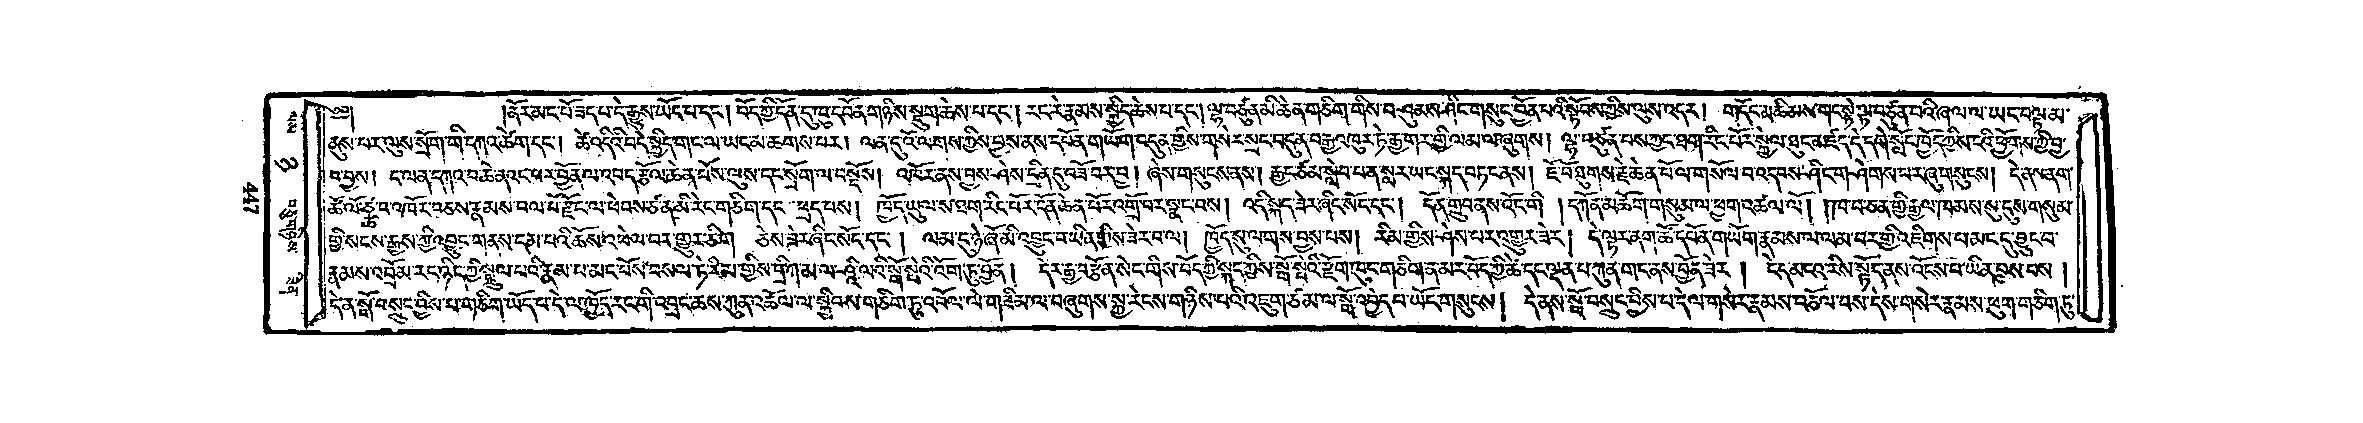༄༅། །ནོར་མང་པོ་ཟད་པ་དེ་རྒྱུས་ཡོང་པ་དང་། བོད་ཀྱི་དོན་དུ་ཁུ་དབོན་གཉིས་སྡུག་ཆེས་པ་དང་། རང་རེ་རྣམས་སྐྱིད་ཆེས་པ་དང་། ལྷ་བཙུན་མི་ཆེན་གཅིག་གིས་བཤུམས་ཤིང་གསུང་བྱོན་པའི་སྟོབས་ཀྱིས་ལུས་འདར། གདོང་མཆིམས་གང་སྟེ་ལྟ་བཙུན་བའི་ཞལ་ལ་ཡང་བལྟ་མ་
ནུས་པར་ལུས་སྲོག་གི་དཀའ་ཚེག་དང་། ཚེ་འདིའི་བདེ་སྐྱིད་གང་ལ་ཡང་མ་ཆགས་པར། ལན་དུ་འོ་ལགས་ཀྱིས་བྱས་ནས་དཔོན་གཡོག་བདུན་གྱིས་གསེར་སྲང་བདུན་བརྒྱ་འཁུར་ཏེ་རྒྱ་གར་གྱི་ལམ་ལ་ཞུགས། ལྷ་བཙུན་པས་ཀྱང་ཐག་རིང་པོར་སྐྱེལ་ཐུང་མཛད་དེ་དགེ་སློང་ཁྱོད་ཀྱིས་ངའི་ཕྱོགས་ཀྱི་བྱ་
བ་བྱས། ད་ལན་དཀའ་བ་ཆེ་ནའང་ཕར་བྱོན་ལ་འབད་རྩོལ་ཆེན་པོས་ལུས་དང་སྲོག་ལ་བསྡོས། འཁོར་ནས་བྱས་ཤེས་དྲིན་དུ་བཟོ་བར་བྱ། ཞེས་གསུངས་ནས། རྒྱང་ཙམ་སླེབ་པ་ན་སླར་ཡང་སྐད་བཏང་ནས། ཇོ་བོ་ཐུགས་རྗེ་ཆེན་པོ་ལ་གསོལ་བ་འདེབས་ཤིང་གཤེགས་པར་ཞུ་གསུངས། དེ་ནས་ནག་
ཚོ་ལོ་ཙྪ་བ་འཁོར་བཅས་རྣམས་བལ་པོ་རྫོང་ལ་ཕེབས་ཙ་ན་མི་རེང་གཅིག་དང་ཕྲད་པས། ཁྱོད་ཡུལ་ས་ཐག་རིང་པོར་དོན་ཆེན་པོར་འགྲོ་བར་སྣང་བས། འདི་སྐད་ཟེར་ཞིང་སོང་དང་། དོན་གྲུབ་ནས་འོང་གི །དཀོན་མཆོག་གསུམ་ལ་ཕྱག་འཚལ་ལོ། །ཁ་བ་ཅན་གྱི་རྒྱལ་ཁམས་སུ་དུས་གསུམ་
གྱི་སངས་རྒྱས་ཀྱི་འབྱུང་གནས་དམ་པའི་ཆོས་འཕེལ་བར་གྱུར་ཅིག་ཅེས་ཟེར་ཞིང་སོང་དང་། ལམ་དུ་ཉེ་ཞོ་མི་འབྱུང་བ་ཡིན་གྱིས་ཟེར་བ་ལ། ཁྱོད་སུ་ལགས་བྱས་པས། རིམ་གྱིས་ཤེས་པར་འགྱུར་ཟེར། དེ་ལྟར་ནག་ཚོ་དཔོན་གཡོག་རྣམས་ལ་ལམ་བར་གྱི་འཇིགས་པ་མང་དུ་བྱུང་བ་
རྣམས་འབྲོམ་རང་ཉིད་ཀྱི་སྤྲུལ་པའི་རྣམ་པ་མང་པོས་བསལ་ཏེ་རིམ་གྱིས་བྲི་ཀ་མ་ལ་ཤཱི་ལའི་སྒོ་སྤེའི་འོག་ཏུ་བྱོན། དེར་རྒྱ་བརྩོན་སེང་གིས་བོད་ཀྱི་སྐད་ཀྱིས་སྒོ་སྤེའི་རྫོག་ཁུང་གཅིག་ན་མར་བོད་ཀྱི་ཚེ་དང་ལྡན་པ་ཀུན་གང་ནས་བྱོན་ཟེར། ངེད་མངའ་རིས་སྟོད་ནས་འོངས་པ་ཡིན་བྱས་པས།
དེ་ན་སྒོ་བསྲུང་བྱིས་པ་གཅིག་ཡོད་པ་དེ་ལ་ཁྱོད་རང་གི་འབྲང་ཆས་ཀུན་འཆོལ་ལ་སྐྱིབས་གཅིག་ཏུ་འབོལ་ལེ་གཟིམ་ལ་བཞུགས་སྐྱ་རེངས་གཉིས་པའི་འཇུག་ཙམ་ལ་སྒོ་འབྱེད་པ་ཡོང་གསུངས། དེ་ནས་སྒོ་བསྲུང་བྱིས་པ་དེ་ལ་གསེར་རྣམས་བཅོལ་བས་དེས་གསེར་རྣམས་ཕུག་གཅིག་ཏུ་